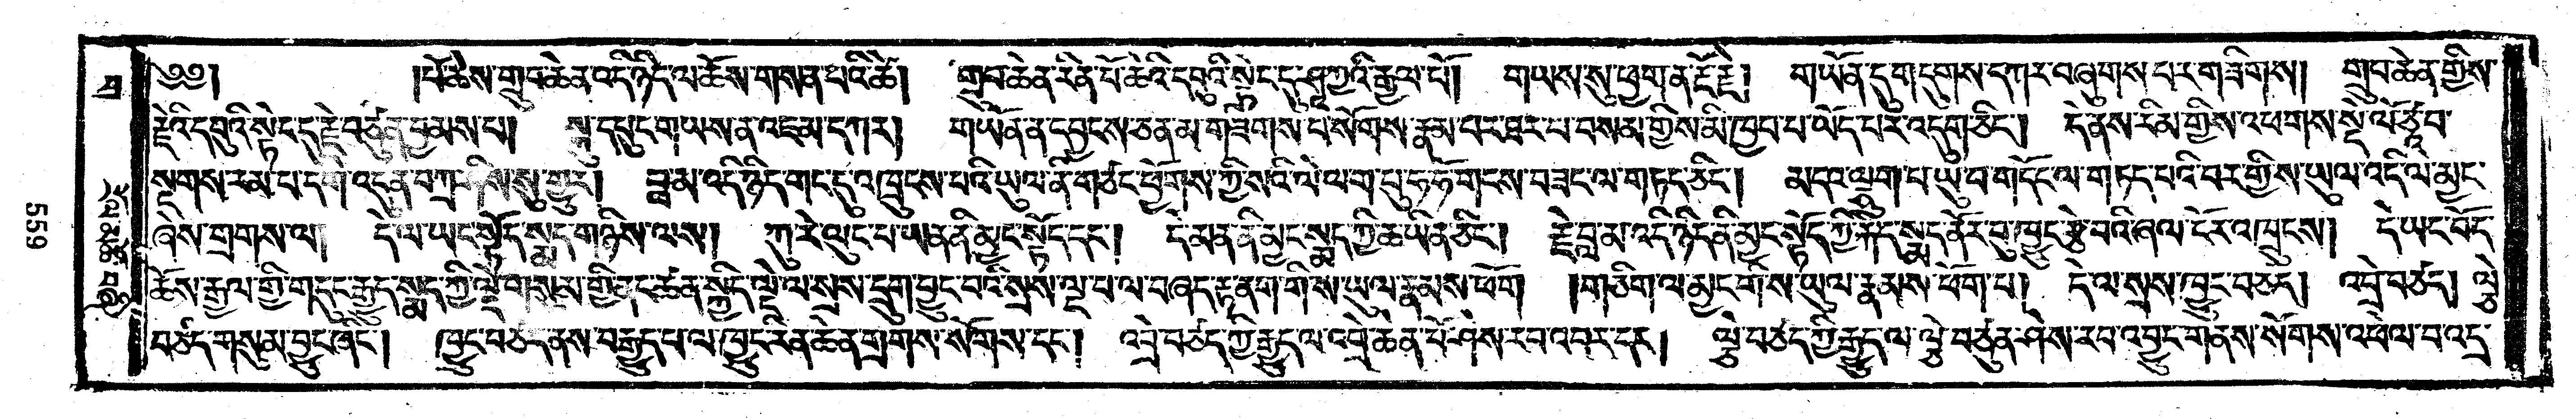༄༅། །པོ་ཆེས་གྲུབ་ཆེན་འདི་ཉིད་ལ་ཆོས་གསན་པའི་ཚེ། གྲུབ་ཆེན་རིན་པོ་ཆེའི་དབུའི་སྟེང་དུ་ཤཱཀྱའི་རྒྱལ་པོ། གཡས་སུ་ཕྱག་ན་རྡོ་རྗེ། གཡོན་དུག་དུགས་དཀར་བཞུགས་པར་གཟིགས། གྲུབ་ཆེན་གྱིས་
རྗེ་དབུའི་སྟེང་དུ་རྗེ་བཙུན་བྱམས་པ། སྐུ་དཔུང་གཡས་ན་འཇམ་དཀར། གཡོན་ན་དབྱངས་ཅན་མ་གཟིགས་པ་སོགས་རྣམ་པར་ཐར་པ་བསམ་གྱིས་མི་ཁྱབ་པ་ཡོད་པར་འདུག་ཅིང་། དེ་ནས་རིམ་གྱིས་འཕགས་སྡེ་ལོ་ཙཱ་བ་
སྔགས་རམ་པ་དགེ་འདུན་བཀྲ་ཤིས་སུ་གྱུར། བླ་མ་འདི་ཉིད་གང་དུ་འཁྲུངས་པའི་ཡུལ་ནི་གཙང་ཕྱོགས་ཀྱི་སའི་ལེ་ལག་པུ་ཧ་ཧོ་གངས་བཟང་ལ་གཏད་ཅིང་། མདའ་ལྕུག་པ་ཡུ་བ་གདོང་ལ་གཏད་པའི་བར་གྱིས་ཡུལ་དཱི་ལ་མྱང་
ཞེས་གྲགས་ལ། དེ་ལ་ཡང་སྟོད་སྨད་གཉིས་ལས། ཀུ་རེ་ལུང་པ་ཡན་ནི་མྱང་སྟོང་དང་། དེ་མན་ནི་མྱང་སྨད་ཀྱི་ཆ་ཡིན་ཅིང་། རྗེ་བླ་མ་དཱི་ཉིད་ནི་མྱང་སྟོད་ཀྱི་རྐད་སྨད་ནོར་བུ་ཁྱུང་རྩེ་བའི་ཞལ་ངོར་འཁྲུངས། དེ་ཡང་བོད་
ཆོས་རྒྱལ་གྱི་གདུང་རྒྱད་སྨད་ཀྱི་ལྡེ་གསུམ་གྱི་ནང་ཚན་སྐྱིད་ལྡེ་ལ་སྲས་དྲུག་བྱུང་བའི་ལྔ་པ་ལ་བཞད་རྟ་ནག་གི་ས་ཡུལ་རྣམས་ཕོག །གཅིག་ལ་མྱང་གིས་ཡུལ་རྣམས་ཕོག་པ། དེ་ལ་སྲས་ཁྱུང་བཅད། འབྲེ་བཙད། ལྕེ་
བཙད་གསུམ་བྱུང་ཞིང་། ཁྱུང་བཙད་ནས་བརྒྱུད་པ་ལ་ཁྱུང་རིན་ཆེན་གྲགས་སོགས་དང་། འབྲེ་བཙད་ཀྱི་རྒྱུད་ལ་འབྲེ་ཆེན་པོ་ཤེས་རབ་འབར་དང་། ལྕེ་བཙད་ཀྱི་རྒྱུད་ལ་ལྕེ་བཙུན་ཤེས་རབ་འབྱུང་གནས་སོགས་འཕེལ་བ་འདྲ་